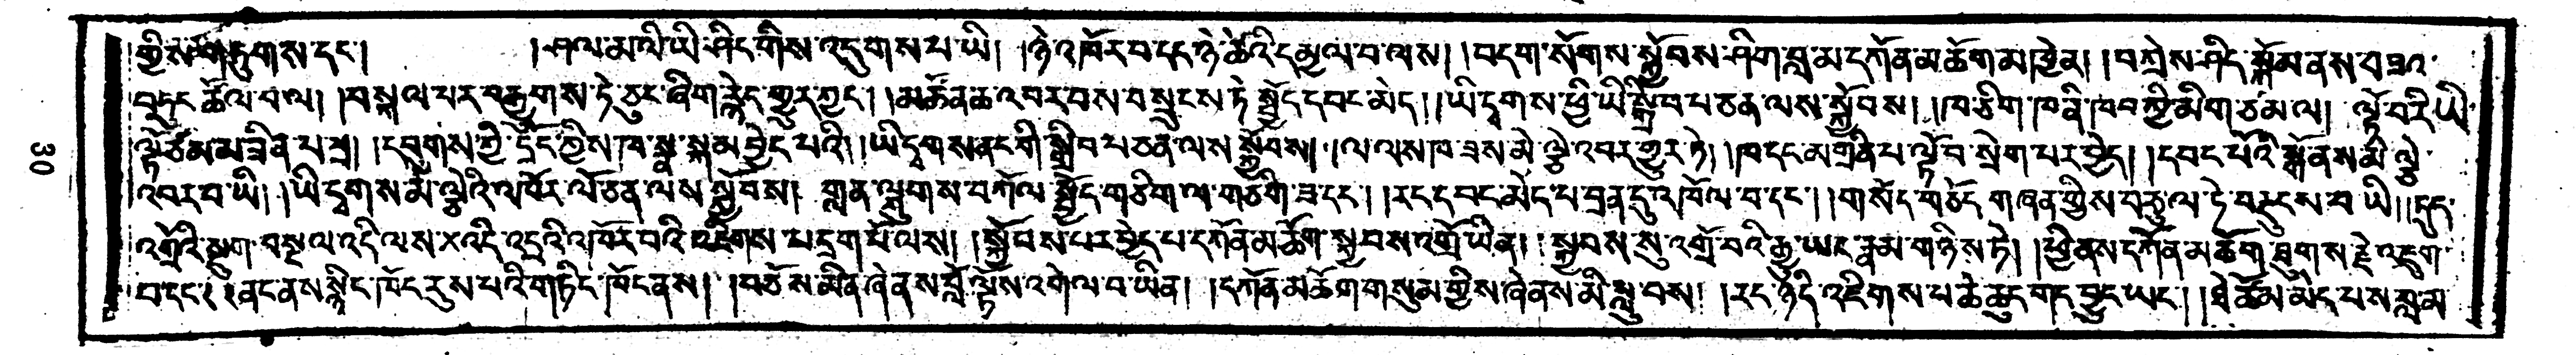གྱིས་གཏུགས་དང་། །ཤལ་མ་ལི་ཡི་ཤིང་གིས་འདུགས་པ་ཡི། །ཉེ་འཁོར་བ་དང་ཉེ་ཚེའི་དམྱལ་བ་ལས། །བདག་སོགས་སྐྱོབས་ཤིག་བླ་མ་དཀོན་མཆོག་མཁྱེན། །བཀྲེས་ཤིད་སྐོམ་ནས་བཟའ་
བཏུང་ཚོལ་བ་ལ། །བསྐལ་པར་བརྒྱུགས་ཏེ་ཅུང་ཞིག་རྙེད་གྱུར་ཀྱང་། །མཚོན་ཆ་འབར་བས་བསྲུངས་ཏེ་སྦྱོད་དབང་མེད། །ཡི་དྭགས་ཕྱི་ཡི་སྒྲིབ་པ་ཅན་ལས་སྐྱོབས། །ཁ་ཅིག་ཁ་ནི་ཁབ་ཀྱི་མིག་ཙམ་ལ། ལྟོ་བ་རི་ཡི་
ལྟོ་ཙམ་མ་ཟིན་པ་ཕྲ། །དབུགས་ཀྱི་དྲོད་ཀྱིས་ཁ་སྣ་སྐམ་བྱེད་པའི། །ཡི་དྭགས་ནང་གི་སྒྲིབ་པ་ཅན་ལས་སྐྱོབས། །ལ་ལས་ཁ་ཟས་མེ་ལྕེ་འབར་གྱུར་ཏེ། །ཁ་དང་མགྲིན་པ་ལྟོ་བ་སྲེག་པར་བྱེད། །དབང་པོའི་སྒོ་ནས་མེ་ལྕེ་
འབར་བ་ཡི། །ཡི་དྭགས་མེ་ལྕེའི་འཁོར་ལོ་ཅན་ལས་སྐྱོབས། གླན་ལྐུགས་བཀོལ་སྦྱོད་གཅིག་ལ་གཅིག་ཟ་དང་། །རང་དབང་མེད་པ་བྲན་དུ་འཁོལ་བ་དང་། །གསོད་གཅོད་གཞན་གྱིས་བཅུ་ལ་ཏེ་བརྡུངས་བ་ཡི། །དུད་
འགྲོའི་སྡུག་བསྔལ་འདི་ལས་྾་འདི་འདྲའི་འཁོར་བའི་འཇིགས་པ་དྲག་པོ་ལས། །སྐྱོབས་པར་བྱེད་པ་དཀོན་མཆོག་སྐྱབས་འགྲོ་ཡིན། །སྐྱབས་སུ་འགྲོ་བའི་རྒྱུ་ཡང་རྣམ་གཉིས་ཏེ། །ཕྱི་ནས་དཀོན་མཆོག་ཐུགས་རྗེ་འཇུག་
བ་དང༑ ༑ནང་ནས་སྙིང་ཁོང་རུས་པའི་གཏིང་ཁོང་ནས། །བཅོས་མིན་ཞེ་ནས་བློ་ལྟོས་འགེལ་བ་ཡིན། །དཀོན་མཆོག་གསུམ་གྱིས་ཞེ་ནས་མི་སླུ་བས། །རང་ཉིད་འཇིགས་པ་ཆེ་ཆུང་གང་བྱུང་ཡང་། །ཐེ་ཚོམ་མེད་པས་བླ་མ་